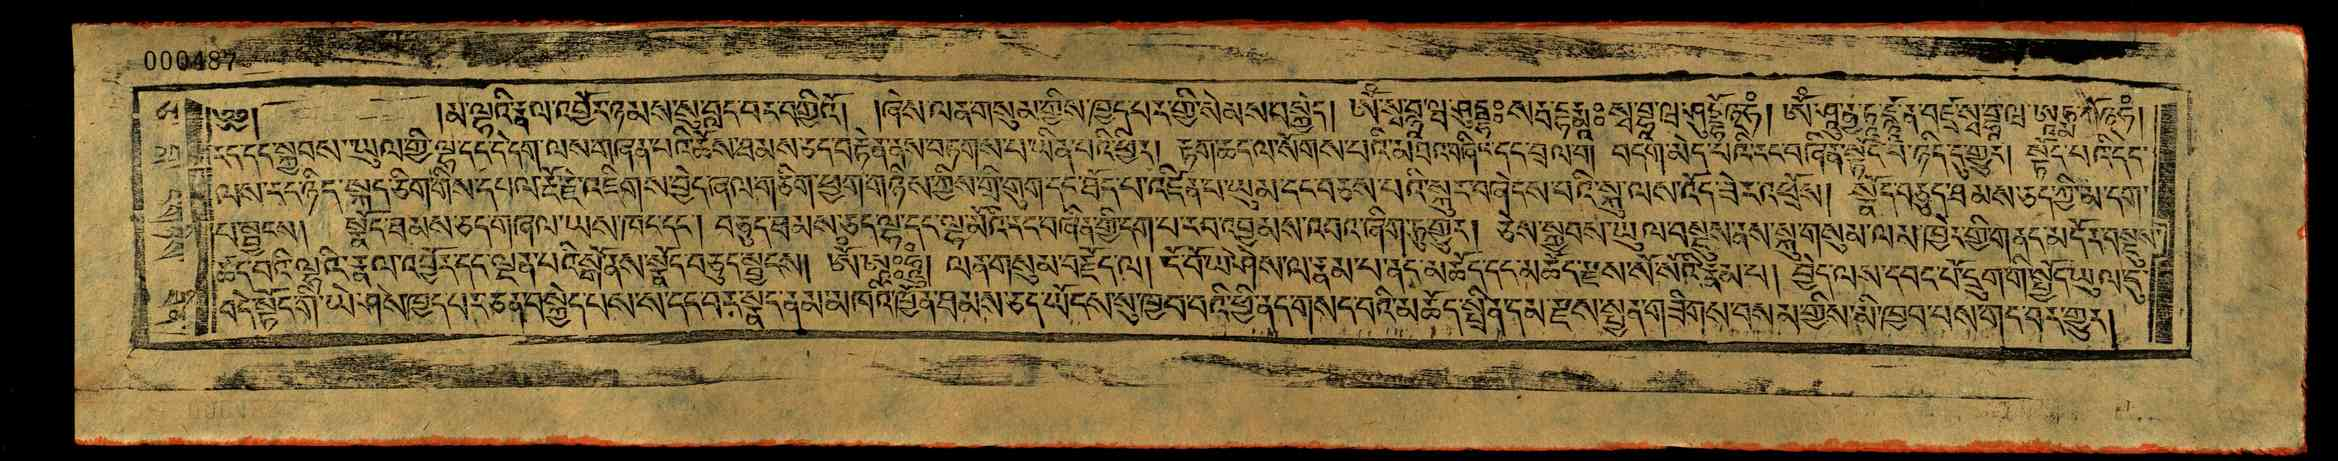༄༅། །མ་ལྷའི་རྣལ་འབྱོར་ཉམས་སུ་བླང་བར་བགྱིའོ། །ཞེས་ལན་གསུམ་གྱིས་ཁྱད་པར་གྱི་སེམས་བསྐྱེད། ཨོཾ་སྭ་བྷཱ་ཝ་ཤུ་དྡྷཱཿ ས་རྦ་དྷ་རྨཱཿ སྭ་བྷཱ་ཝ་ཤུ་དྡྷོ་ཉ་ཧཾ། ཨོཾ་ཤཱུ་ཉ་ཏཱ་ཛྙ་ན་བཛྲ་སཱ་བྷཱ་ཝ་ཨཱ་ཀཽ་ཀོ་ཧཾ་ཧཾ།
རང་དང་སྐྱབས་ཡུལ་གྱི་ལྷ་དང་དེ་དག་ལས་གཞན་པའི་ཆོས་ཐམས་ཅད་བརྟེན་ནས་བཏགས་པ་ཡིན་པའི་ཕྱིར། རྟག་ཆད་ལ་སོགས་པའི་མཐའ་བཞི་དང་བྲལ་བ། བདག་མེད་པའི་རང་བཞིན་སྟོང་པ་ཉིད་དུ་གྱུར། སྟོང་པའི་ངང་
ལས་རང་ཉིད་སྐད་ཅིག་གིས་དཔལ་རྡོ་རྗེ་འཇིགས་བྱེད་ཞལ་གཅིག་ཕྱག་གཉིས་ཀྱིས་གྲི་གུག་དང་ཐོད་པ་འཛིན་པ་ཡུམ་དང་བཅས་པའི་སྐུར་བཞེངས་པའི་སྐུ་ལས་འོད་ཟེར་འཕྲོས། སྣོད་བཅུད་ཐམས་ཅད་ཀྱི་མ་དག་
པ་སྦྱངས། སྣོད་ཐམས་ཅད་གཞལ་ཡས་ཁང་དང་། བཅུད་ཐམས་ཅད་ལྷ་དང་ལྷ་མོའི་རང་བཞིན་གྱི་དག་པ་རབ་འབྱམས་འབའ་ཞིག་ཏུ་གྱུར། ཅེས་སྐྱབས་ཡུལ་བསྡུས་ནས་སྐུ་གསུམ་ལམ་ཁྱེར་གྱི་གནད་མདོར་བསྡུས་
ཚད་པའི་ལྷའི་རྣལ་འབྱོར་དང་ལྡན་པའི་སྒོ་ནས་སྣོད་བཅུད་སྦྱངས། ཨོཾ་ཨཱཿ ཧཱུཾ། ལན་གསུམ་བརྗོད་ལ། ངོ་བོ་ཡེ་ཤེས་ལ་རྣམ་པ་ནང་མཆོད་དང་མཆོད་རྫས་སོ་སོའི་རྣམ་པ། བྱེད་ལས་དབང་པོ་དྲུག་གི་སྤྱོད་ཡུལ་དུ་
བདེ་སྟོང་གི་ཡེ་ཤེས་ཁྱད་པར་ཅན་བསྐྱེད་པས་ས་དང་བར་སྣང་ནམ་མཁའི་ཁྱོན་ཐམས་ཅད་ཡོངས་སུ་ཁྱབ་པའི་ཕྱི་ནང་གསང་བའི་མཆོད་སྤྲིན་དམ་རྫས་སྤྱན་གཟིགས་བསམ་གྱིས་མི་ཁྱབ་པས་གང་བར་གྱུར།